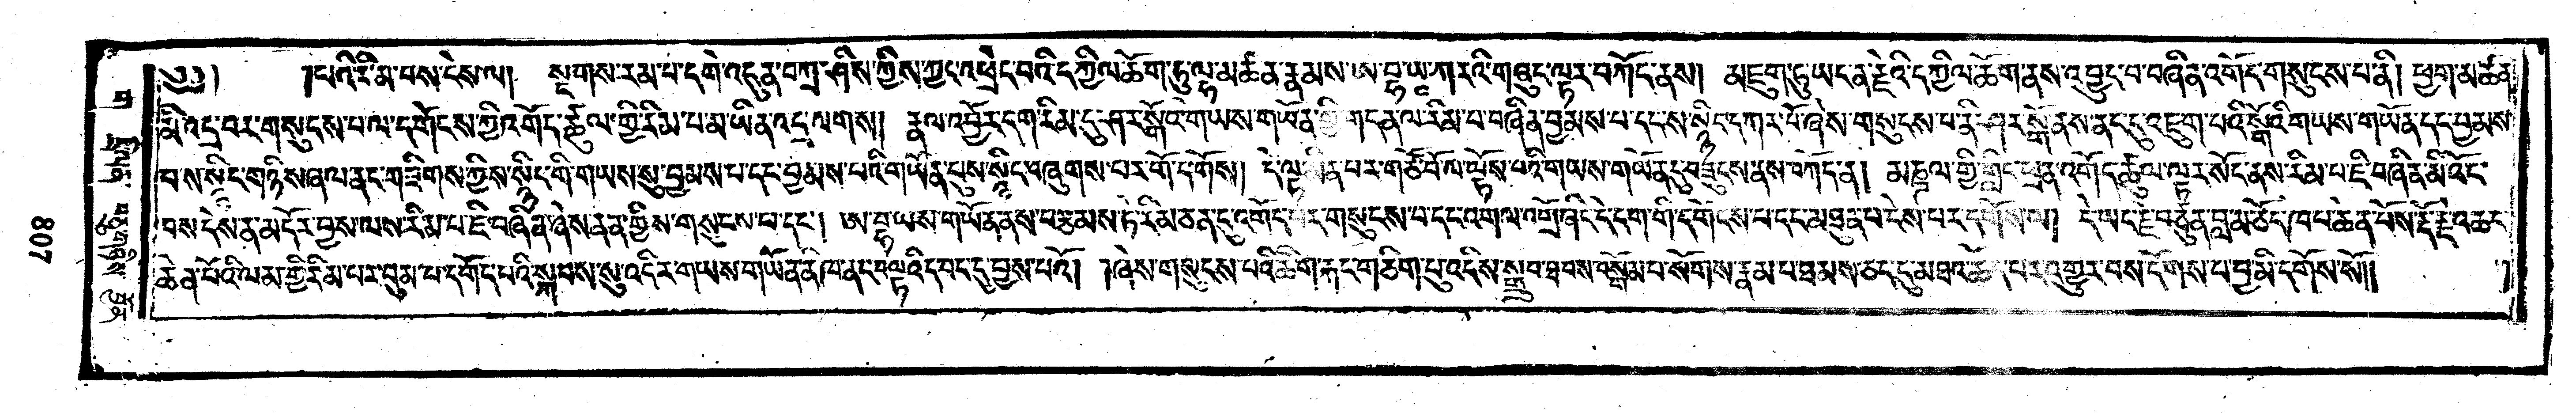༄༅། །པའི་རིམ་པས་ངེས་ལ། སྔགས་རམ་པ་དགེ་འདུན་བཀྲ་ཤིས་ཀྱིས་ཀྱང་འཕྲེང་བའི་དཀྱིལ་ཆོག་ཏུ་ལྷ་མཚན་རྣམས་ཨ་བྷ་ཡཱ་ཀ་རའི་གཞུང་ལྟར་བཀོད་ནས། མཇུག་ཏུ་ཡང་ན་རྗེའི་དཀྱིལ་ཆོག་ནས་འབྱུང་བ་བཞིན་འགོད་གསུངས་པ་ནི། ཕྱག་མཚན་
མི་འདྲ་བར་གསུངས་པ་ལ་དགོངས་ཀྱི་འགོད་ཚུལ་གྱི་རིམ་པ་མ་ཡིན་འདྲ་ལགས། རྣལ་འབྱོར་དག་རིམ་དུ་ཤར་སྒོའི་གཡས་གཡོན་གྱི་གདན་ལ་རིམ་པ་བཞིན་བྱམས་པ་དང་ས་སྙིང་དཀར་པོ་ཞེས་གསུངས་པ་ནི་ཤར་སྒོ་ནས་ནང་དུ་འཇུག་པའི་སྒོའི་གཡས་གཡོན་དང་བྱམས་
བས་སྙིང་གཉིས་ཞལ་ནང་གཟིགས་ཀྱིས་སྙིང་གི་གཡས་སུ་བྱམས་པ་དང་བྱམས་པའི་གཡོན་པུས་སྙིང་བཞུགས་པར་གོ་དགོས། དེ་ལྟ་མིན་པར་གཙོ་བོ་ལ་ལྟོས་པའི་གཡས་གཡོན་དུ་བཟུངས་ནས་བཀོད་ན། མཎྜལ་གྱི་གླིང་ཕྲན་འགོད་ཚུལ་ལྟར་སོང་ནས་རིམ་པ་ཇི་བཞིན་མི་འོང་
བས་དེས་ན་མདོར་བྱས་ལས་རིམ་པ་ཇི་བཞིན་ཞེས་ནན་གྱིས་གསུངས་པ་དང་། ཨ་བྷ་ཡས་གཡོན་ནས་བརྩམས་ཏེ་རིམ་ཅན་དུ་འགོད་པར་གསུངས་པ་དང་འགལ་འགྲོ་ཞིང་དེ་དག་གི་དགོངས་པ་དང་མཐུན་པ་དེས་པར་དགོས་ལ། དེ་ཡང་རྗེ་བཙུན་བླ་མ་ཅོད་ཁ་པ་ཆེན་པོས་རྡོ་རྗེ་འཆང་
ཆེན་པོའི་ལམ་གྱི་རིམ་པར་བུམ་པ་དགོད་པའི་སྐབས་སུ་འདིར་གཡས་གཡོན་ནི་ཁ་ནང་བལྟའི་དབང་དུ་བྱས་པའོ། །ཞེས་གསུངས་པའི་ཆིག་རྐང་གཅིག་པུ་འདིས་སྒྲུབ་ཐབས་བསྒོམ་པ་སོགས་རྣམ་པ་ཐམས་ཅད་དུ་མཐའ་ཆོད་པར་འགྱུར་བས་དོགས་པ་བྱ་མི་དགོས་སོ།། །།